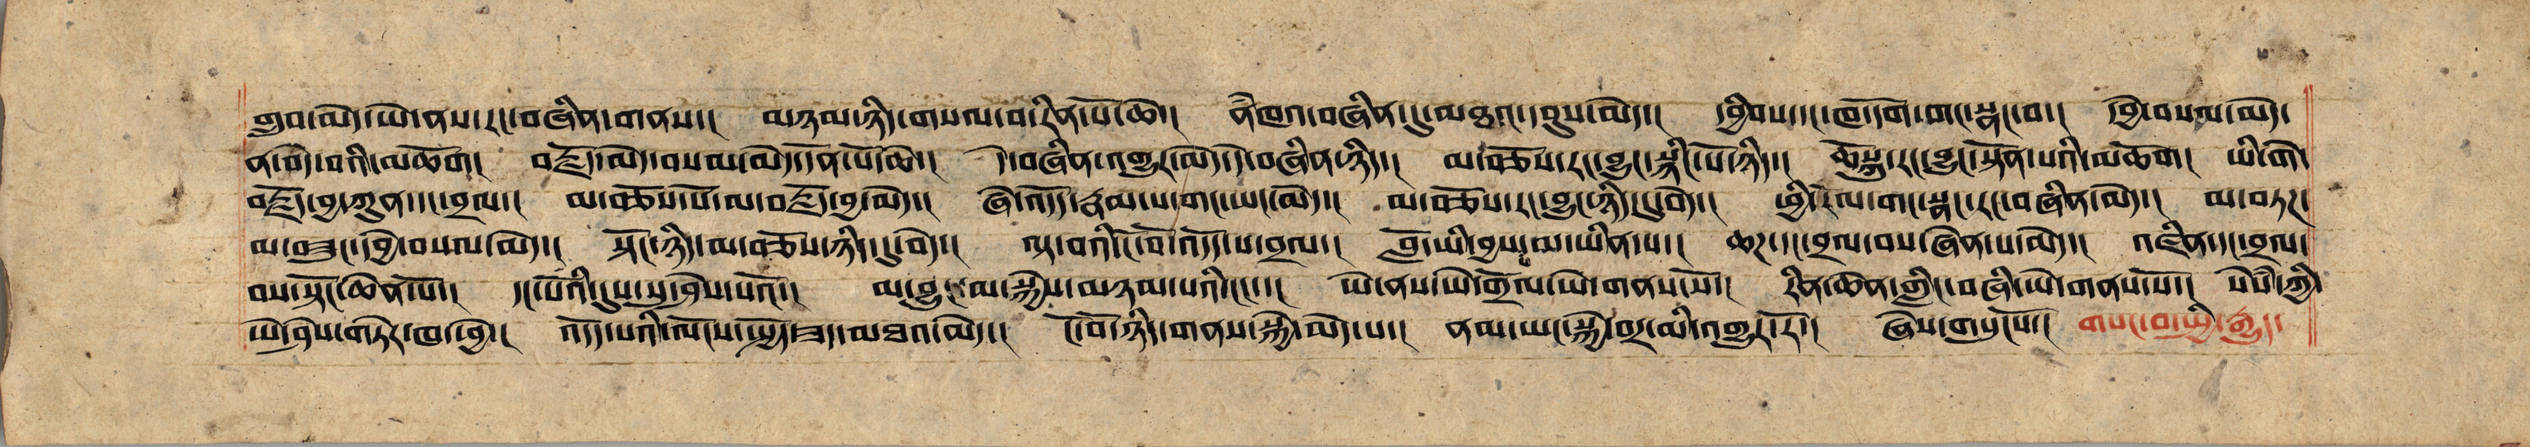གྲུབ་མེད་ཡེ་ནས་རང་བཞིན་གནས་། མཉམ་ཉིད་གསལ་བ་རིན་པོ་ཆེ་། ནཾཁའ་བཞིན་དུ་མཐའ་དབུས་མེད་། དབྱིབས་དང་ཁ་དོག་གང་སྣང་བ་། དབྱེ་བསལ་མེད་
ན་བདེ་བའི་མཆོག། བརྗོད་མེད་བསམ་མེད་དོན་པོ་ཆེ་། དེ་བཞིན་འགྱུར་མེད་དེ་བཞིན་ཉིད་། མ་བཅོས་རང་བྱུང་སྙིང་པོ་ཉིད་། ཆོསྐུ་རང་བྱུང་སྟོན་པའི་མཆོག། ཡི་གེ་
བརྗོད་བྱ་ཀུན་དང་བྲལ་། མ་བཅོས་པོ་ལ་བརྗོད་བྱ་མེད་། ཞེ་འདོད་རྣམ་པ་གང་ཡང་མེད་། མ་བཅོས་རང་བྱུང་ཉིད་དུ་བདེ་། ཕྱི་རོལ་གང་སྣང་རང་བཞིན་མེད་། མ་བཏཌ་
མ་བཟུང་དབྱེ་བསལ་མེད་། སྟོང་ཉིད་མ་བཅོས་ཉིད་དུ་བདེ་། ལྟ་བའི་ངོ་བོ་འདོད་པ་བྲལ་། བློ་ཡི་བྱས་པ་མ་ཡིན་པ་། ཆཌ་དང་བྲལ་བས་ཞེན་པ་མེད་། འཛིན་དང་བྲལ་
བས་སྟོང་ཆེན་པོ་། དང་པོའི་དུས་སུ་ཤེས་པའོ་། མ་བྱུང་མ་སྐྱེས་མཉམ་པའི་་ངང་་། ཡེ་ནས་ཡེ་གྲོལ་ཡེ་གནས་སོ་། རིན་ཆེན་གླིང་བཞི་ཡེ་གནས་སོ་། སེཾས་ཀྱི་
ཡེ་ཤེས་གཏེར་ཁ་ཕྱེ་། འདོད་པའི་ལོངས་སྤྱོད་ཟད་མཐའ་མེད་། ངོ་བོ་ཉིད་གནས་སྐྱེ་མེད་པ་། ནམ་ཡང་སྐྱེ་བར་མི་འགྱུར་རོ་། ཞེས་གསུངསོ་། གསང་བ་སྤྱི་རྒྱུད་